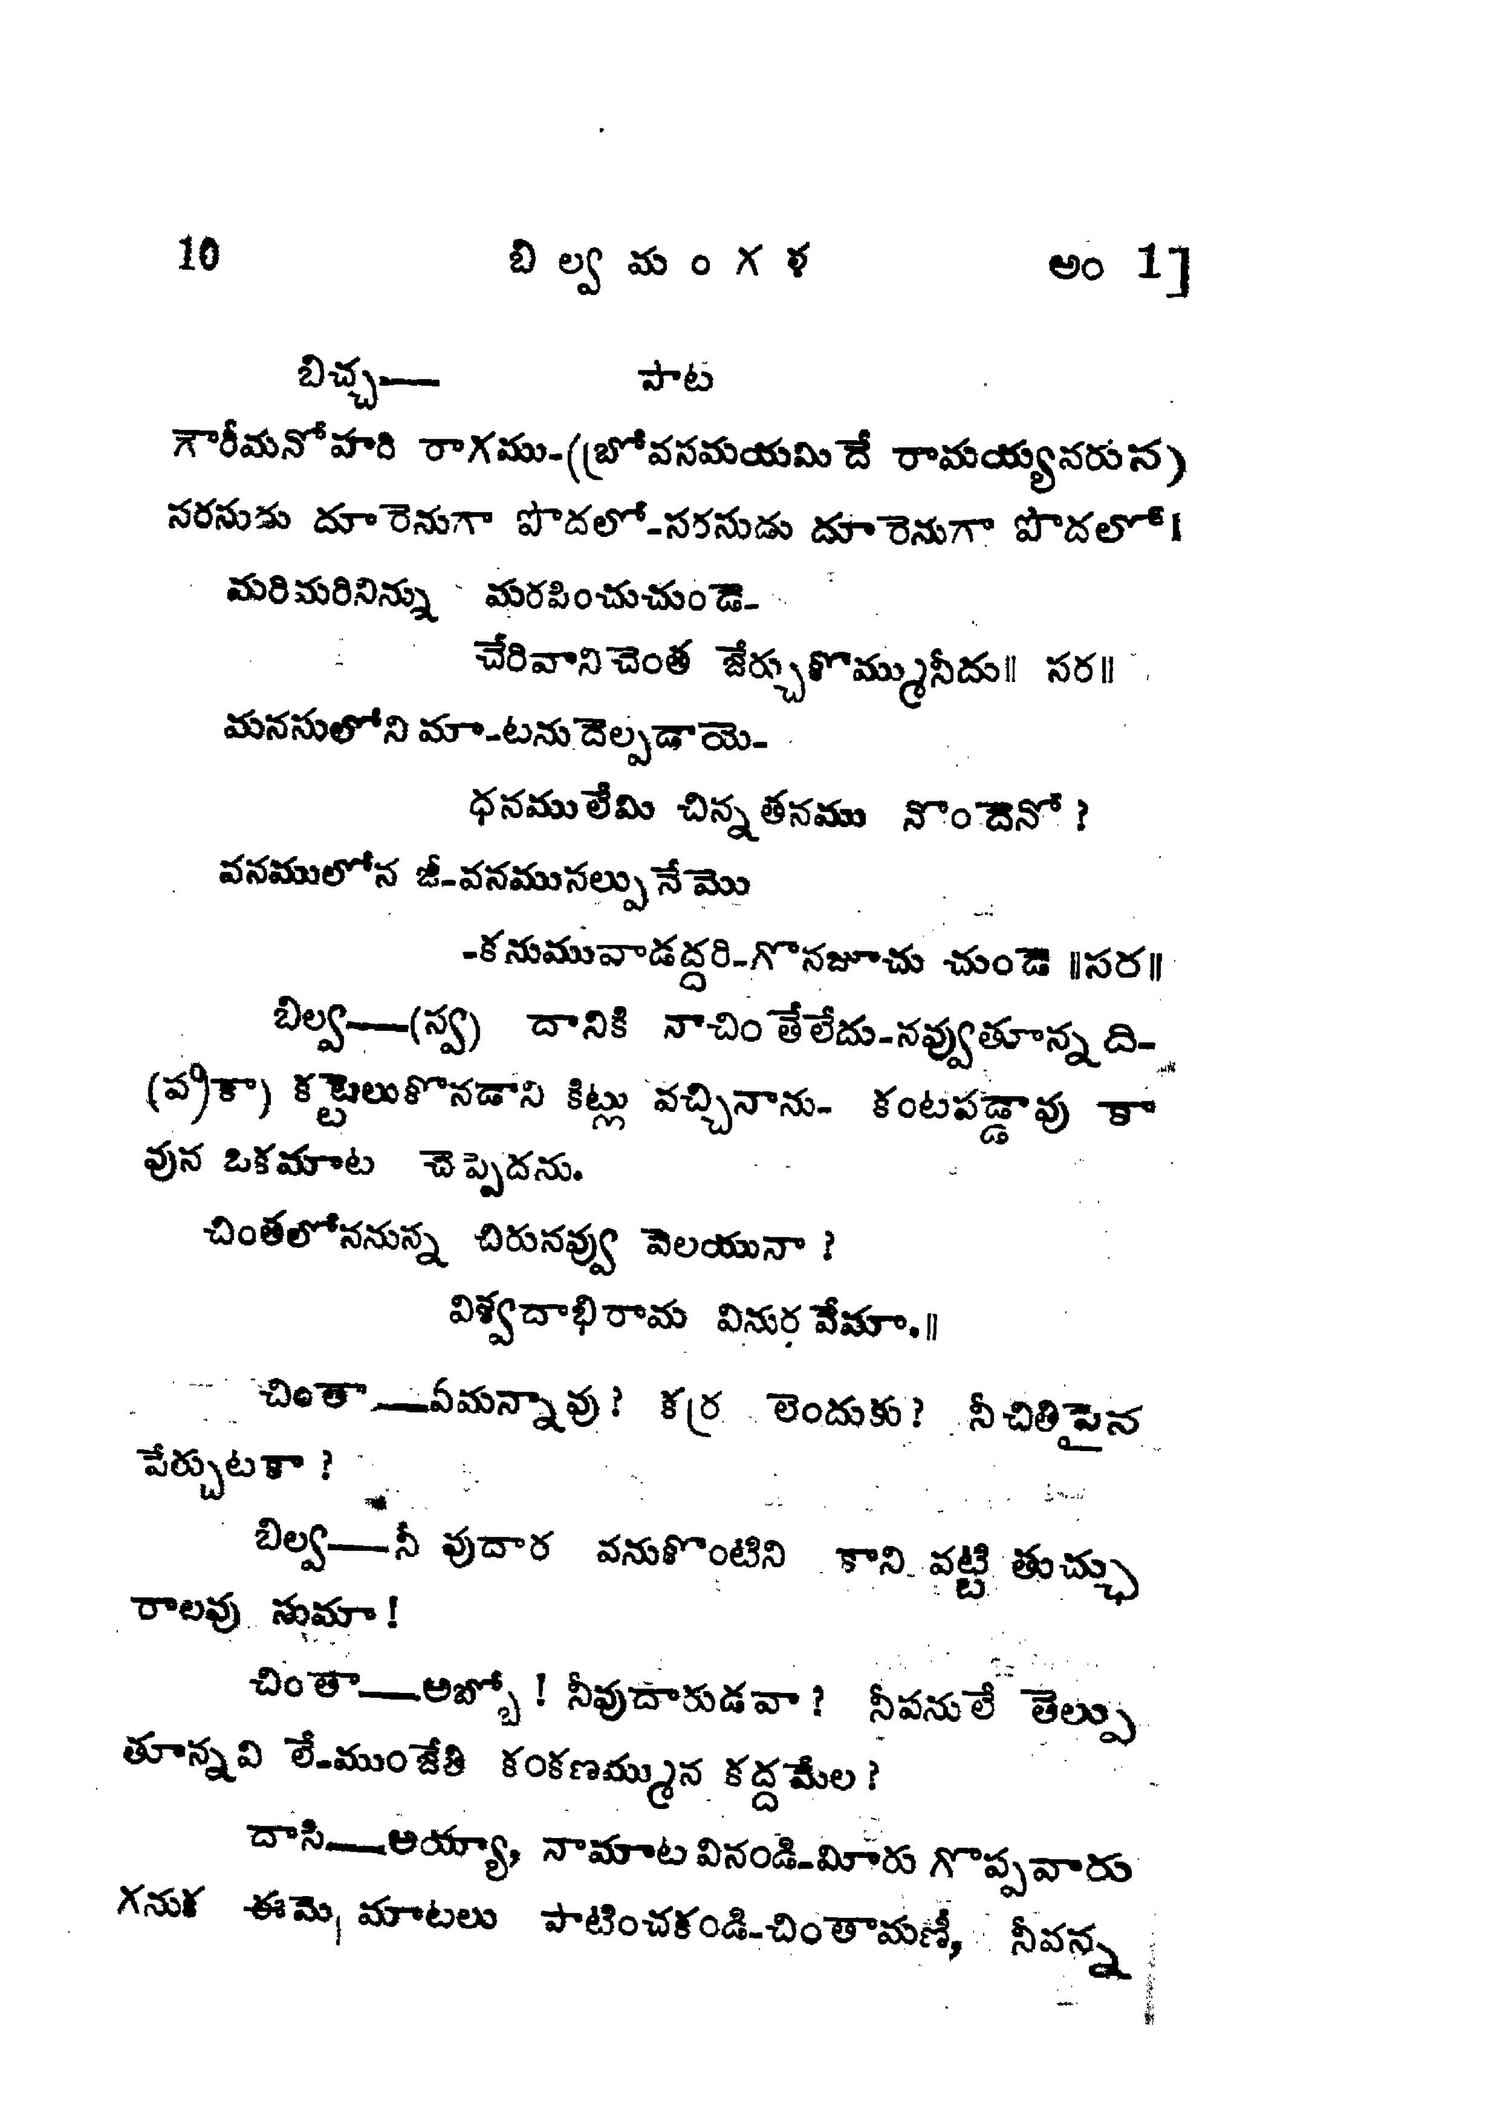బిచ్చ - పాట

గౌరీమనోహరి రాగము - (బ్రోవసమయమిదే రామయ్యవరుస) సరసుడు దూరెనుగా పొదలో - సరసుడు దూరెనుగా పొదలో!

 మరిమరినిన్ను మరపించుచుండె-
 చేరివానిచెంత జేర్చుకొమ్మునీదు|| సర||
 మనసులోని మా-టను దెల్పడాయె-
 ధనములేమి చిన్నతనము నొందెనో?
 వనములోన జీ-వనముసల్పునేమొ
 -కనుమువాడద్దరి-గొనజూచు చుండె ||సర

బిల్వ - (స్వ) దానికి నాచింతేలేదు-నవ్వుతూన్నది - (ప్రకా) కట్టెలుకొనడాని కిట్లు వచ్చినాను- కంటపడ్డావు కావున ఒకమాట చెప్పెదను.

 చింతలోననున్న చిరునవ్వు వెలయునా?
 విశ్వదాభిరామ వినుర వేమా.||

చింతా - ఏమన్నావు? కర్ర లెందుకు ? నీ చితిపైన పేర్చుటకా?

బిల్వ - నీ వుదార వనుకొంటిని కాని వట్టి తుచ్చురాలవు సుమా !

చింతా - అబ్బో! నీవుదారుడవా ? నీపనులే తెల్పుతూన్నవి లే-ముంజేతు కంకణమ్మున కద్దమేల?

దాసి - అయ్యా, నామాటవినండి - మీరు గొప్పవారు గనుక ఈమె మాటలు పాటించకండి - చింతామణీ, నీవన్న